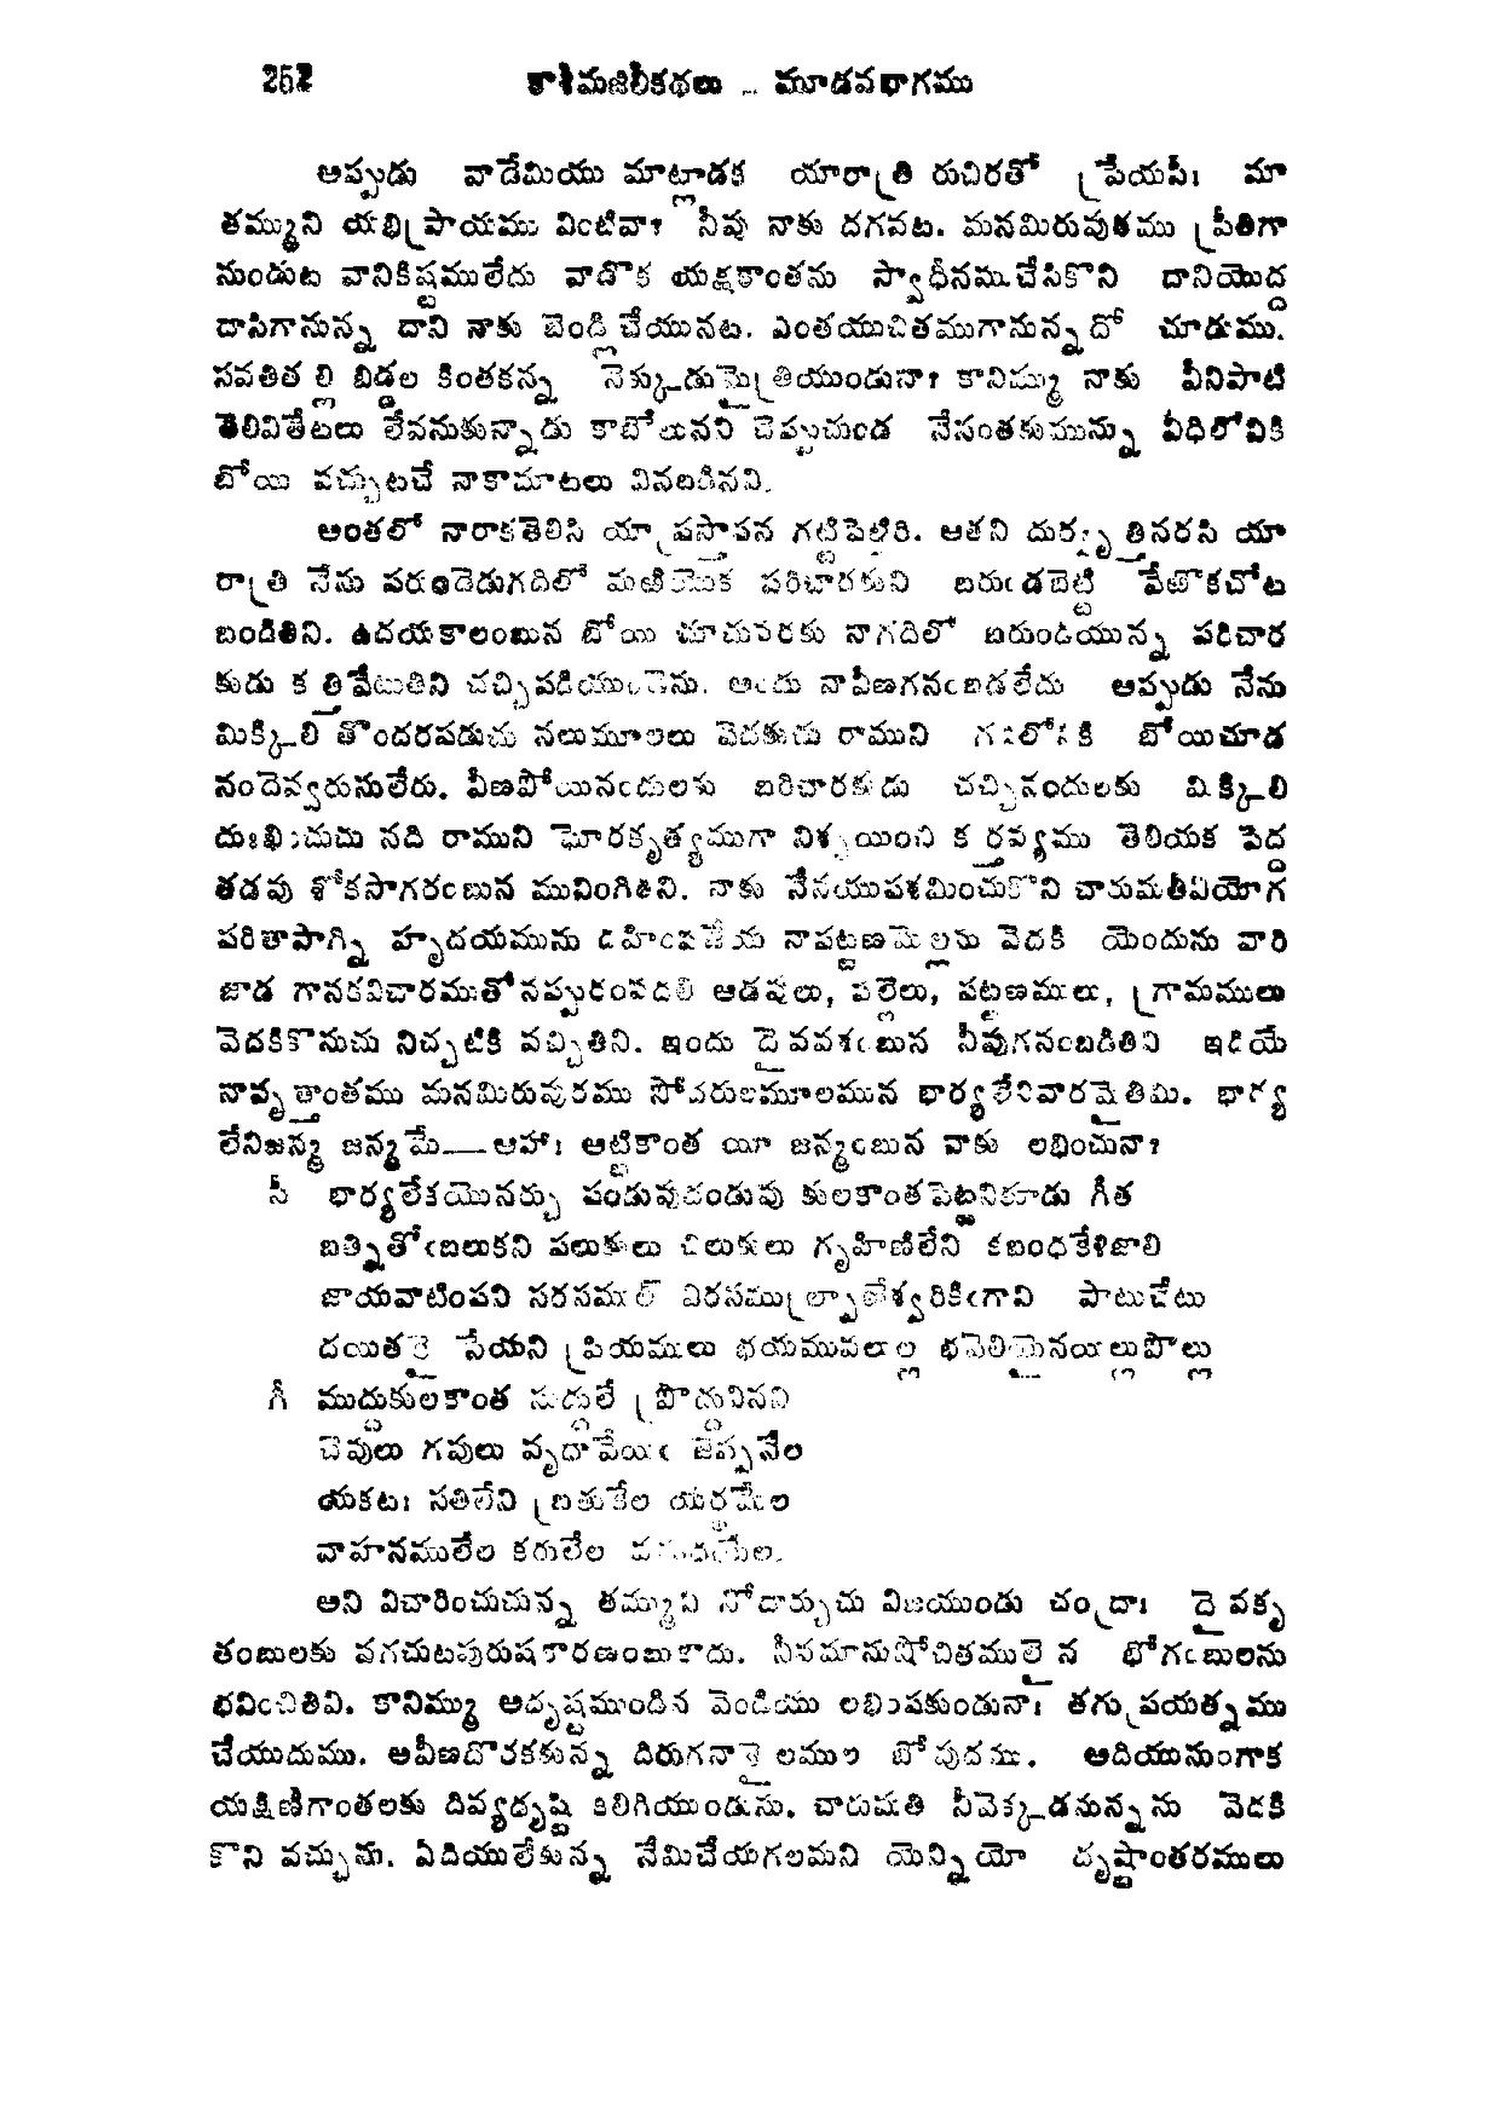అప్పుడు వా డేమియు మాట్లాడక యారాత్రి రుచిరతో ప్రేయసీ! మా తమ్ముని యభిప్రాయము వింటివా? నీవు నాకు దగవట. మనమిరువురము ప్రీతిగా నుండుట వానికిష్టములేదు వాడొక యక్షకాంతను స్వాధీనముచేసికొని దానియొద్ద దాసిగానున్న దాని నాకు బెండ్లిచేయునట. ఎంతయుచితముగానున్నదో చూడుము. సవతితల్లి బిడ్డల కింతకన్న నెక్కుడు మైత్రియుండునా? కానిమ్ము నాకు వీనిపాటి
తెలివితేటలు లేవనుకున్నాడు కాబోలునని చెప్పుచుండ నేనంతకుమున్ను వీథిలోనికి బోయి వచ్చుటచే నాకామాటలు వినబడినవి.

అంతలో నారాక తెలిసి యా ప్రస్తావన గట్టిపెట్టిరి. ఆతని దుర్వృత్తినరసి యా రాత్రి నేను పరుండెడుగదిలో మఱియొక పరిచారకుని బరుండబెట్టి వేఱొకచోట బండితిని. ఉదయకాలంబున బోయి చూచువరకు నా గదిలో బరుండియున్న పరిచారకుడు కత్తివేటు తిని చచ్చిపడియుండెను. అందు నావీణ గనంబడలేదు. అప్పుడు నేను మిక్కిలి తొందరపడుచు నలుమూలలు వెదకుచు రాముని గదిలోనికి బోయిచూడ నందెవ్వరునులేరు. వీణపోయినందులకు బరిచారకుడు చచ్చినందులకు మిక్కిలి దుఃఖించుచు నది రాముని ఘోరకృత్యముగా నిశ్చయించి కర్తవ్యము తెలియక పెద్ద తడవు శోకసాగరంబున మునింగితిని. నాకు నేన యుపశమించుకొని చారుమతీవియోగపరితాపాగ్ని హృదయమును దహింపజేయ నాపట్టణమెల్లను వెదకి యెందును వారి జాడ గానక విచారముతోనప్పురంవదలి అడవులు, పల్లెలు, పట్టణములు, గ్రామములు వెదకికొనుచు నిచ్చటికి వచ్చితిని. ఇందు దైవవశంబున నీవుగనంబడితివి ఇదియే నావృత్తాంతము మనమిరువురము సోదరులమూలమున భార్య లేనివారమైతిమి. భార్యలేనిజన్మ జన్మమే - ఆహా ! అట్టికాంత యీ జన్మంబున నాకు లభించునా ?

సీ. భార్యలేకయొనర్చు పండువుదండువు కులకాంతపెట్టనికూడు గీత
 బత్నితోఁబలుకని పలుకులు చిలుకులు గృహిణిలేని కబంధకేళిజాలి
 జాయవాటింపని సరసముల్ విరసముల్ప్రాణేశ్వరికిఁగాని పాటుచేటు
 దయితరై సేయని ప్రియములు భయమువలుల్ల భవెలియైనయిల్లుపొల్లు
గీ. ముద్దుకులకాంత సుద్దులే ప్రొద్దువినని
 చెవులు గవులు వృదావేయిఁ జెప్పనేల
 యకట! సతిలేని బ్రతుకేల యర్థమేల
 వాహనములేల కరులేల వసుధయేల.
అని విచారించుచున్న తమ్ముని నోదార్చుచు విజయుండు చంద్రా! దైవకృతంబులకు వగచుట పురుషకారణంబుకాదు. నీ వమానుషోచితములైన భోగంబు లనుభవించితివి. కానిమ్ము అదృష్టముండిన వెండియు లభింపకుండునా? తగు ప్రయత్నము చేయుదుము. ఆవీణ దొరకకున్న దిరుగనాశైలముల బోవుదము. అదియునుంగాక యక్షిణీగాంతలకు దివ్యదృష్టి కలిగియుండును. చారుమతి నీ వెక్కడ నున్నను వెదకికొని వచ్చును. ఏదియులేకున్న నేమిచేయగలమని యెన్నియో దృష్టాంతరములు